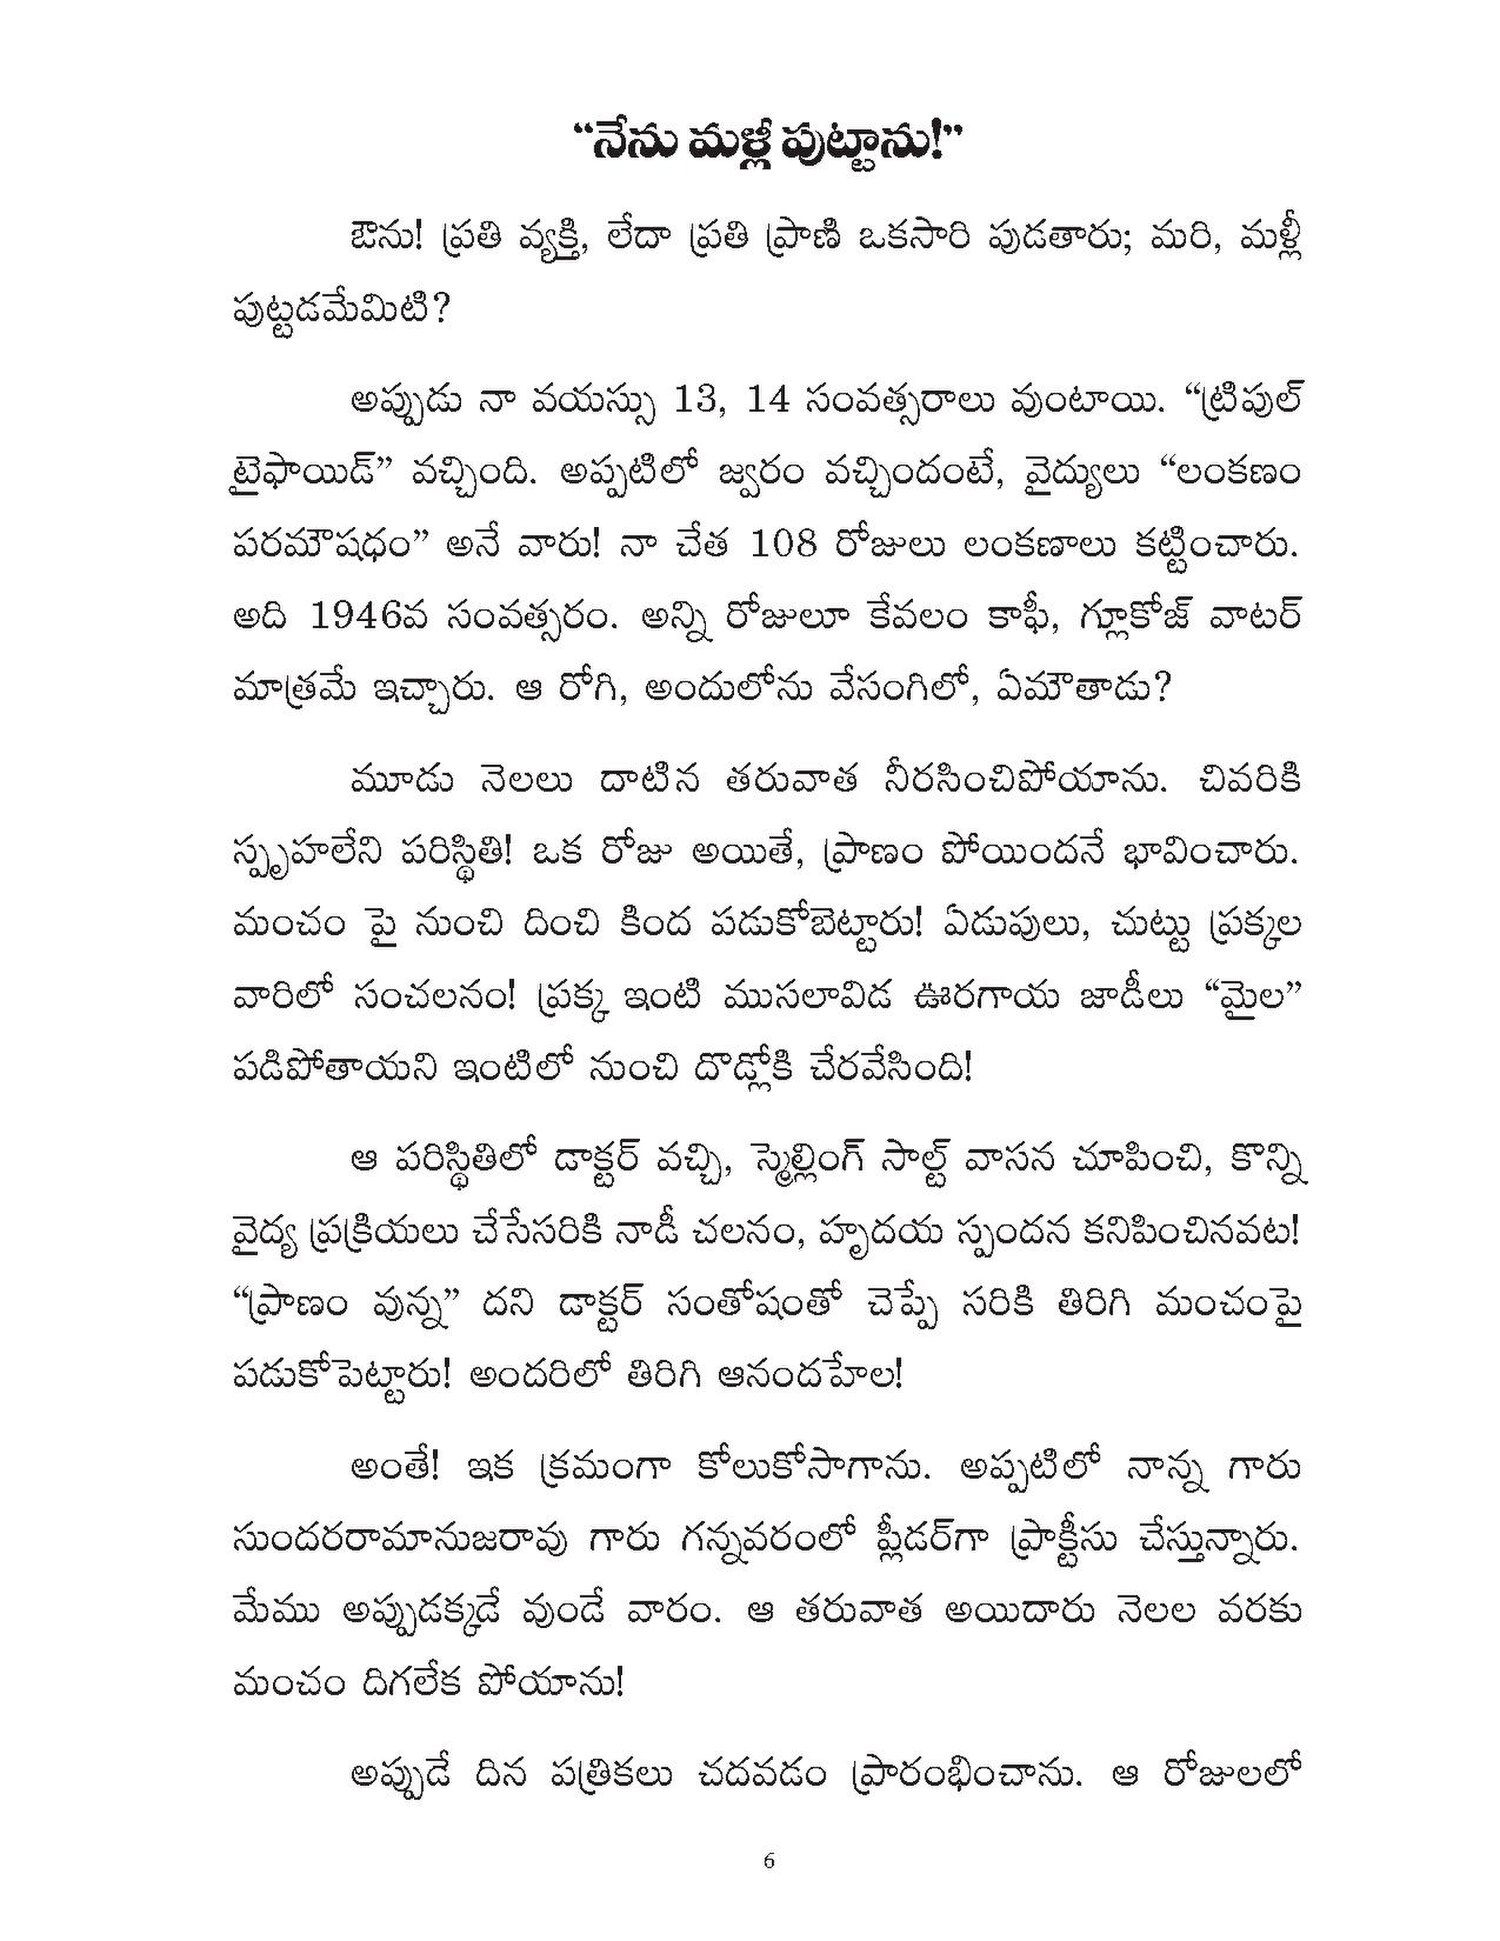ఔను! ప్రతి వ్యక్తి, లేదా ప్రతి ప్రాణి ఒకసారి పుడతారు; మరి, మళ్లీ
పుట్టమేమిటి?

అప్పుడు నా వయస్సు 13, 14 సంవత్సరాలు వుంటాయి. "ట్రిపుల్‌
టైఫాయిడ్‌" వచ్చింది. అప్పటిలో జ్వరం వచ్చిందంటే, వైద్యులు "లంకణం
పరమౌషధం" అనే వారు! నా చేత 108 రోజులు లంకణాలు కట్టించారు.
అది 1946వ సంవత్సరం. అన్ని రోజులూ కేవలం కాఫీ, గ్లూకోజ్‌ వాటర్‌
మాత్రమే ఇచ్చారు. ఆ రోగి, అందులోను వేసంగిలో, ఏమౌతాడు?

మూడు నెలలు దాటిన తరువాత నీరసించిపోయాను. చివరికి
స్పృహలేని పరిస్థితి! ఒక రోజు అయితే, ప్రాణం పోయిందనే భావించారు.
మంచం పై నుంచి దించి కింద పడుకోబెట్టారు! ఏడుపులు, చుట్టు ప్రక్కల
వారిలో సంచలనం! ప్రక్క ఇంటి ముసలావిడ ఊరగాయ జాడీలు "మైల"
పడిపోతాయని ఇంటిలో నుంచి దొడ్లోకి చేరవేసింది!

ఆ పరిస్థితిలో డాక్టర్ వచ్చి, స్మెల్లింగ్‌ సాల్ట్‌ వాసన చూపించి, కొన్ని
వైద్య ప్రక్రియలు చేసేసరికి నాడీ చలనం, హృదయ స్పందన కనిపించినవట!
"ప్రాణం వున్న" దని డాక్టర్ సంతోషంతో చెప్పే సరికి తిరిగి మంచంపై
పడుకోపెట్టారు! అందరిలో తిరిగి ఆనందహేల!

అంతే! ఇక క్రమంగా కోలుకోసాగాను. అప్పటిలో నాన్న గారు
సుందరరామానుజరావు గారు గన్నవరంలో ప్లీడర్‌గా ప్రాక్టీసు చేస్తున్నారు.
మేము అప్పుడక్కడే వుండే వారం. ఆ తరువాత అయిదారు నెలల వరకు
మంచం దిగలేక పోయాను!

అప్పుడే దిన పత్రికలు చదవడం ప్రారంభించాను. ఆ రోజులలో